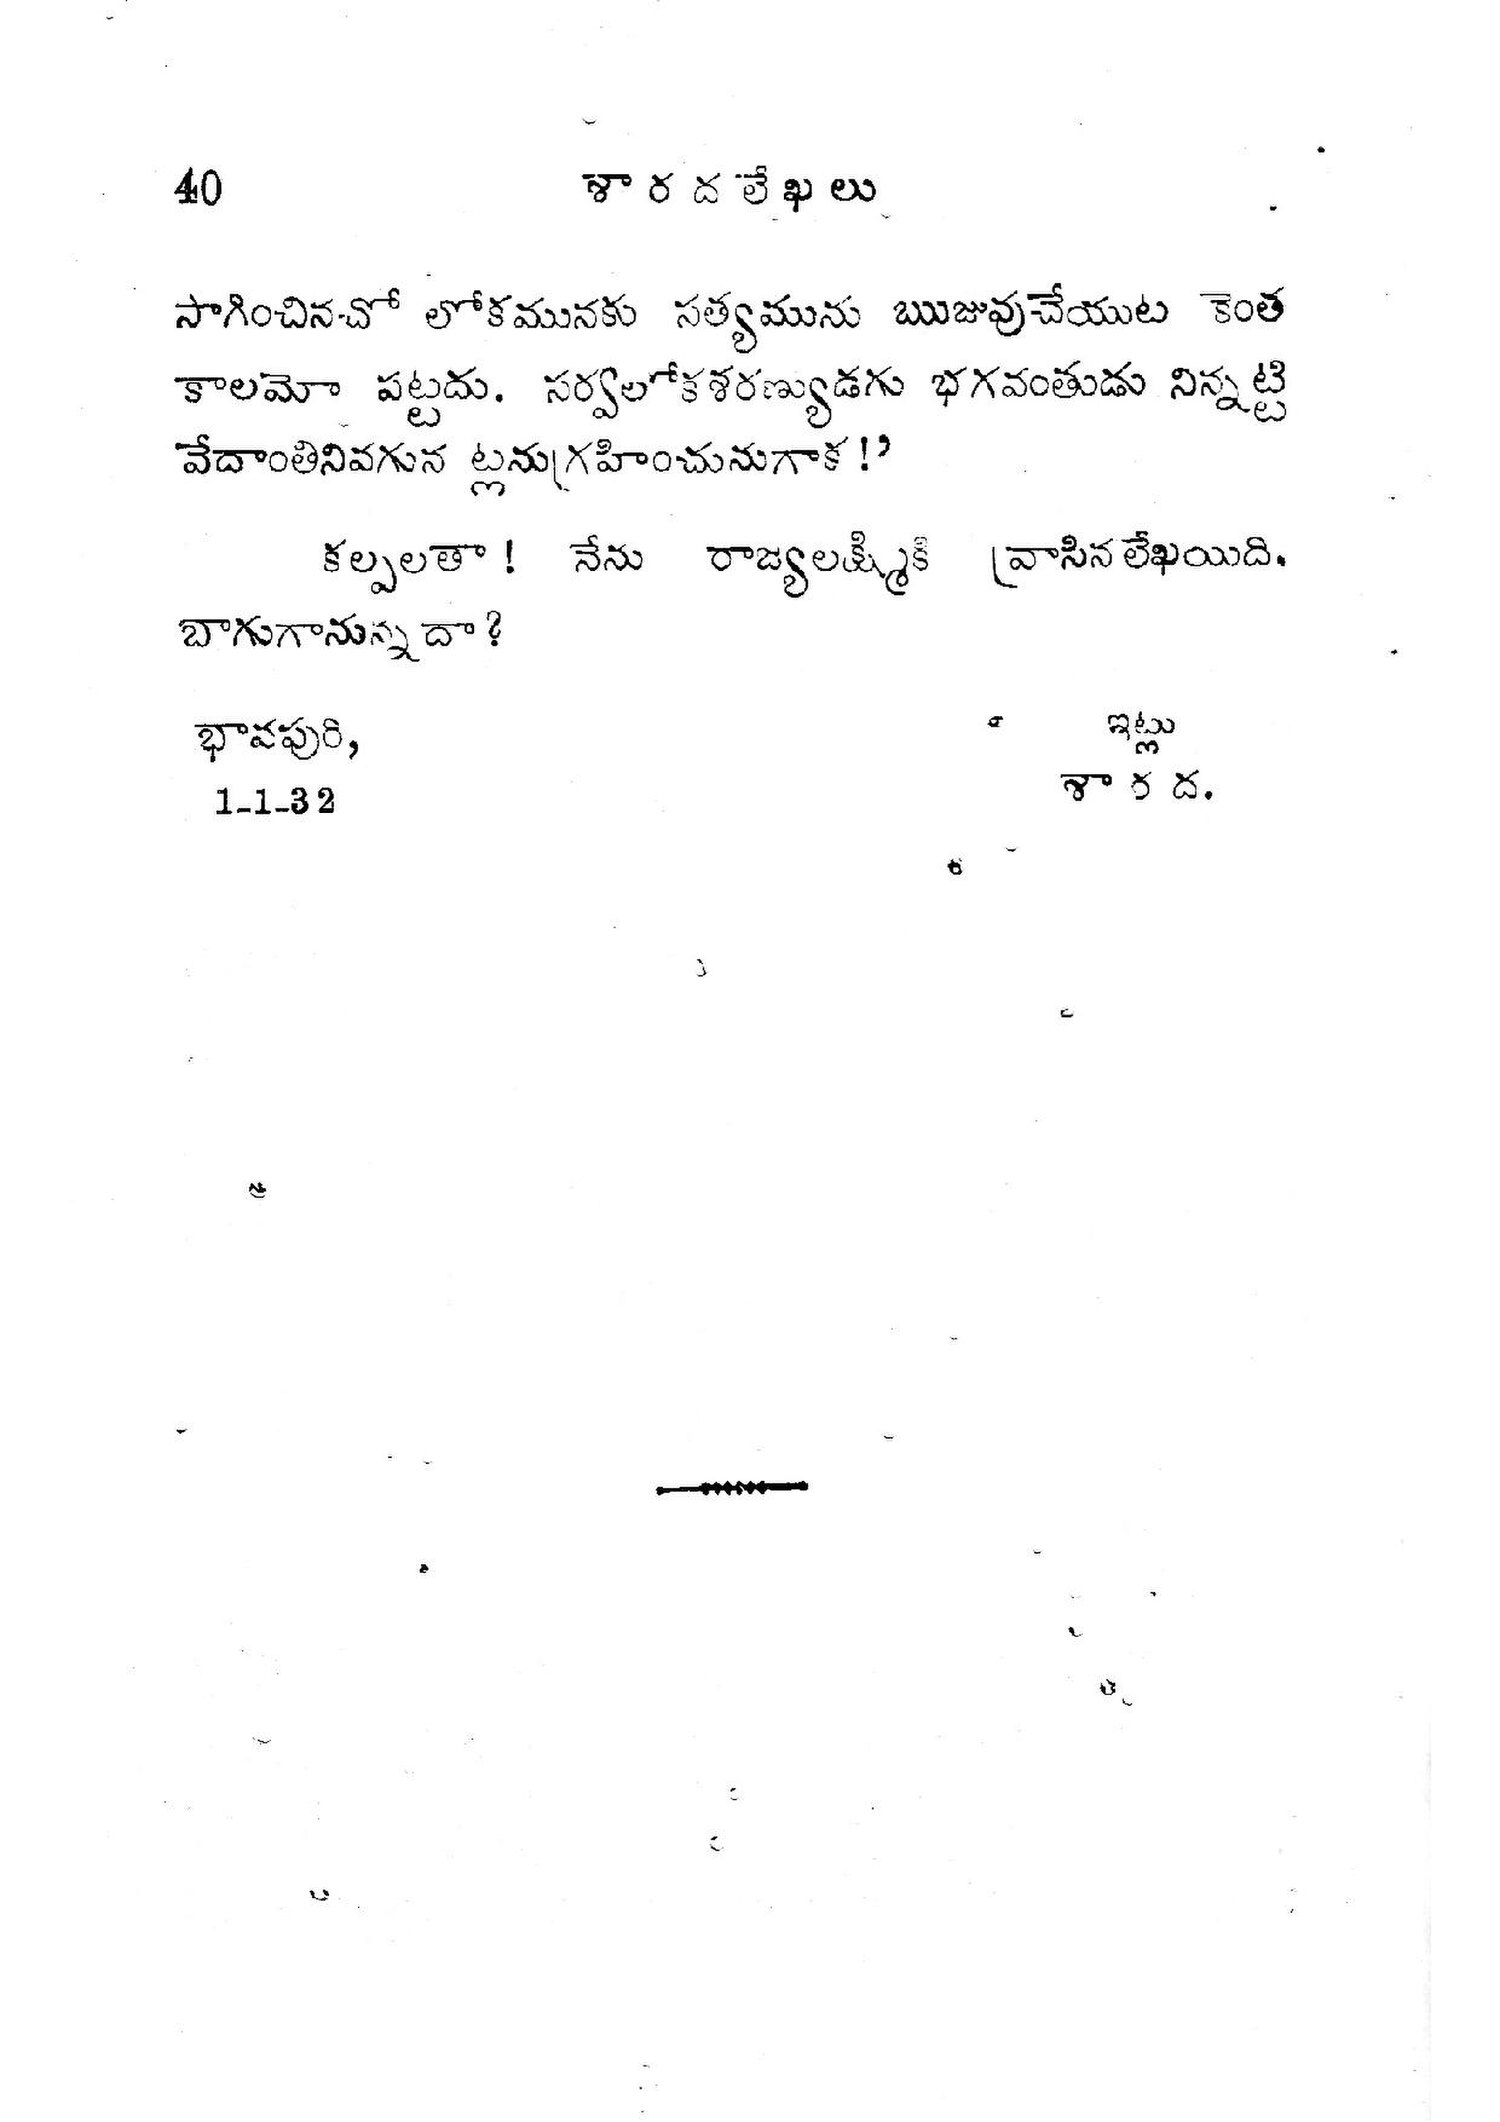సాగించినచో లోకమునకు సత్యమును ఋజువు చేయుట కెంత
కాలమో పట్టదు. సర్వలోకశరణ్యుడగు భగవంతుడు నిన్నట్టి
వేదాంతినివగున ట్లను గ్రహించునుగాక!’

కల్పలతా! నేను రాజ్యలక్ష్మికి వ్రాసిన లేఖయిది,
బాగుగానున్నదా?